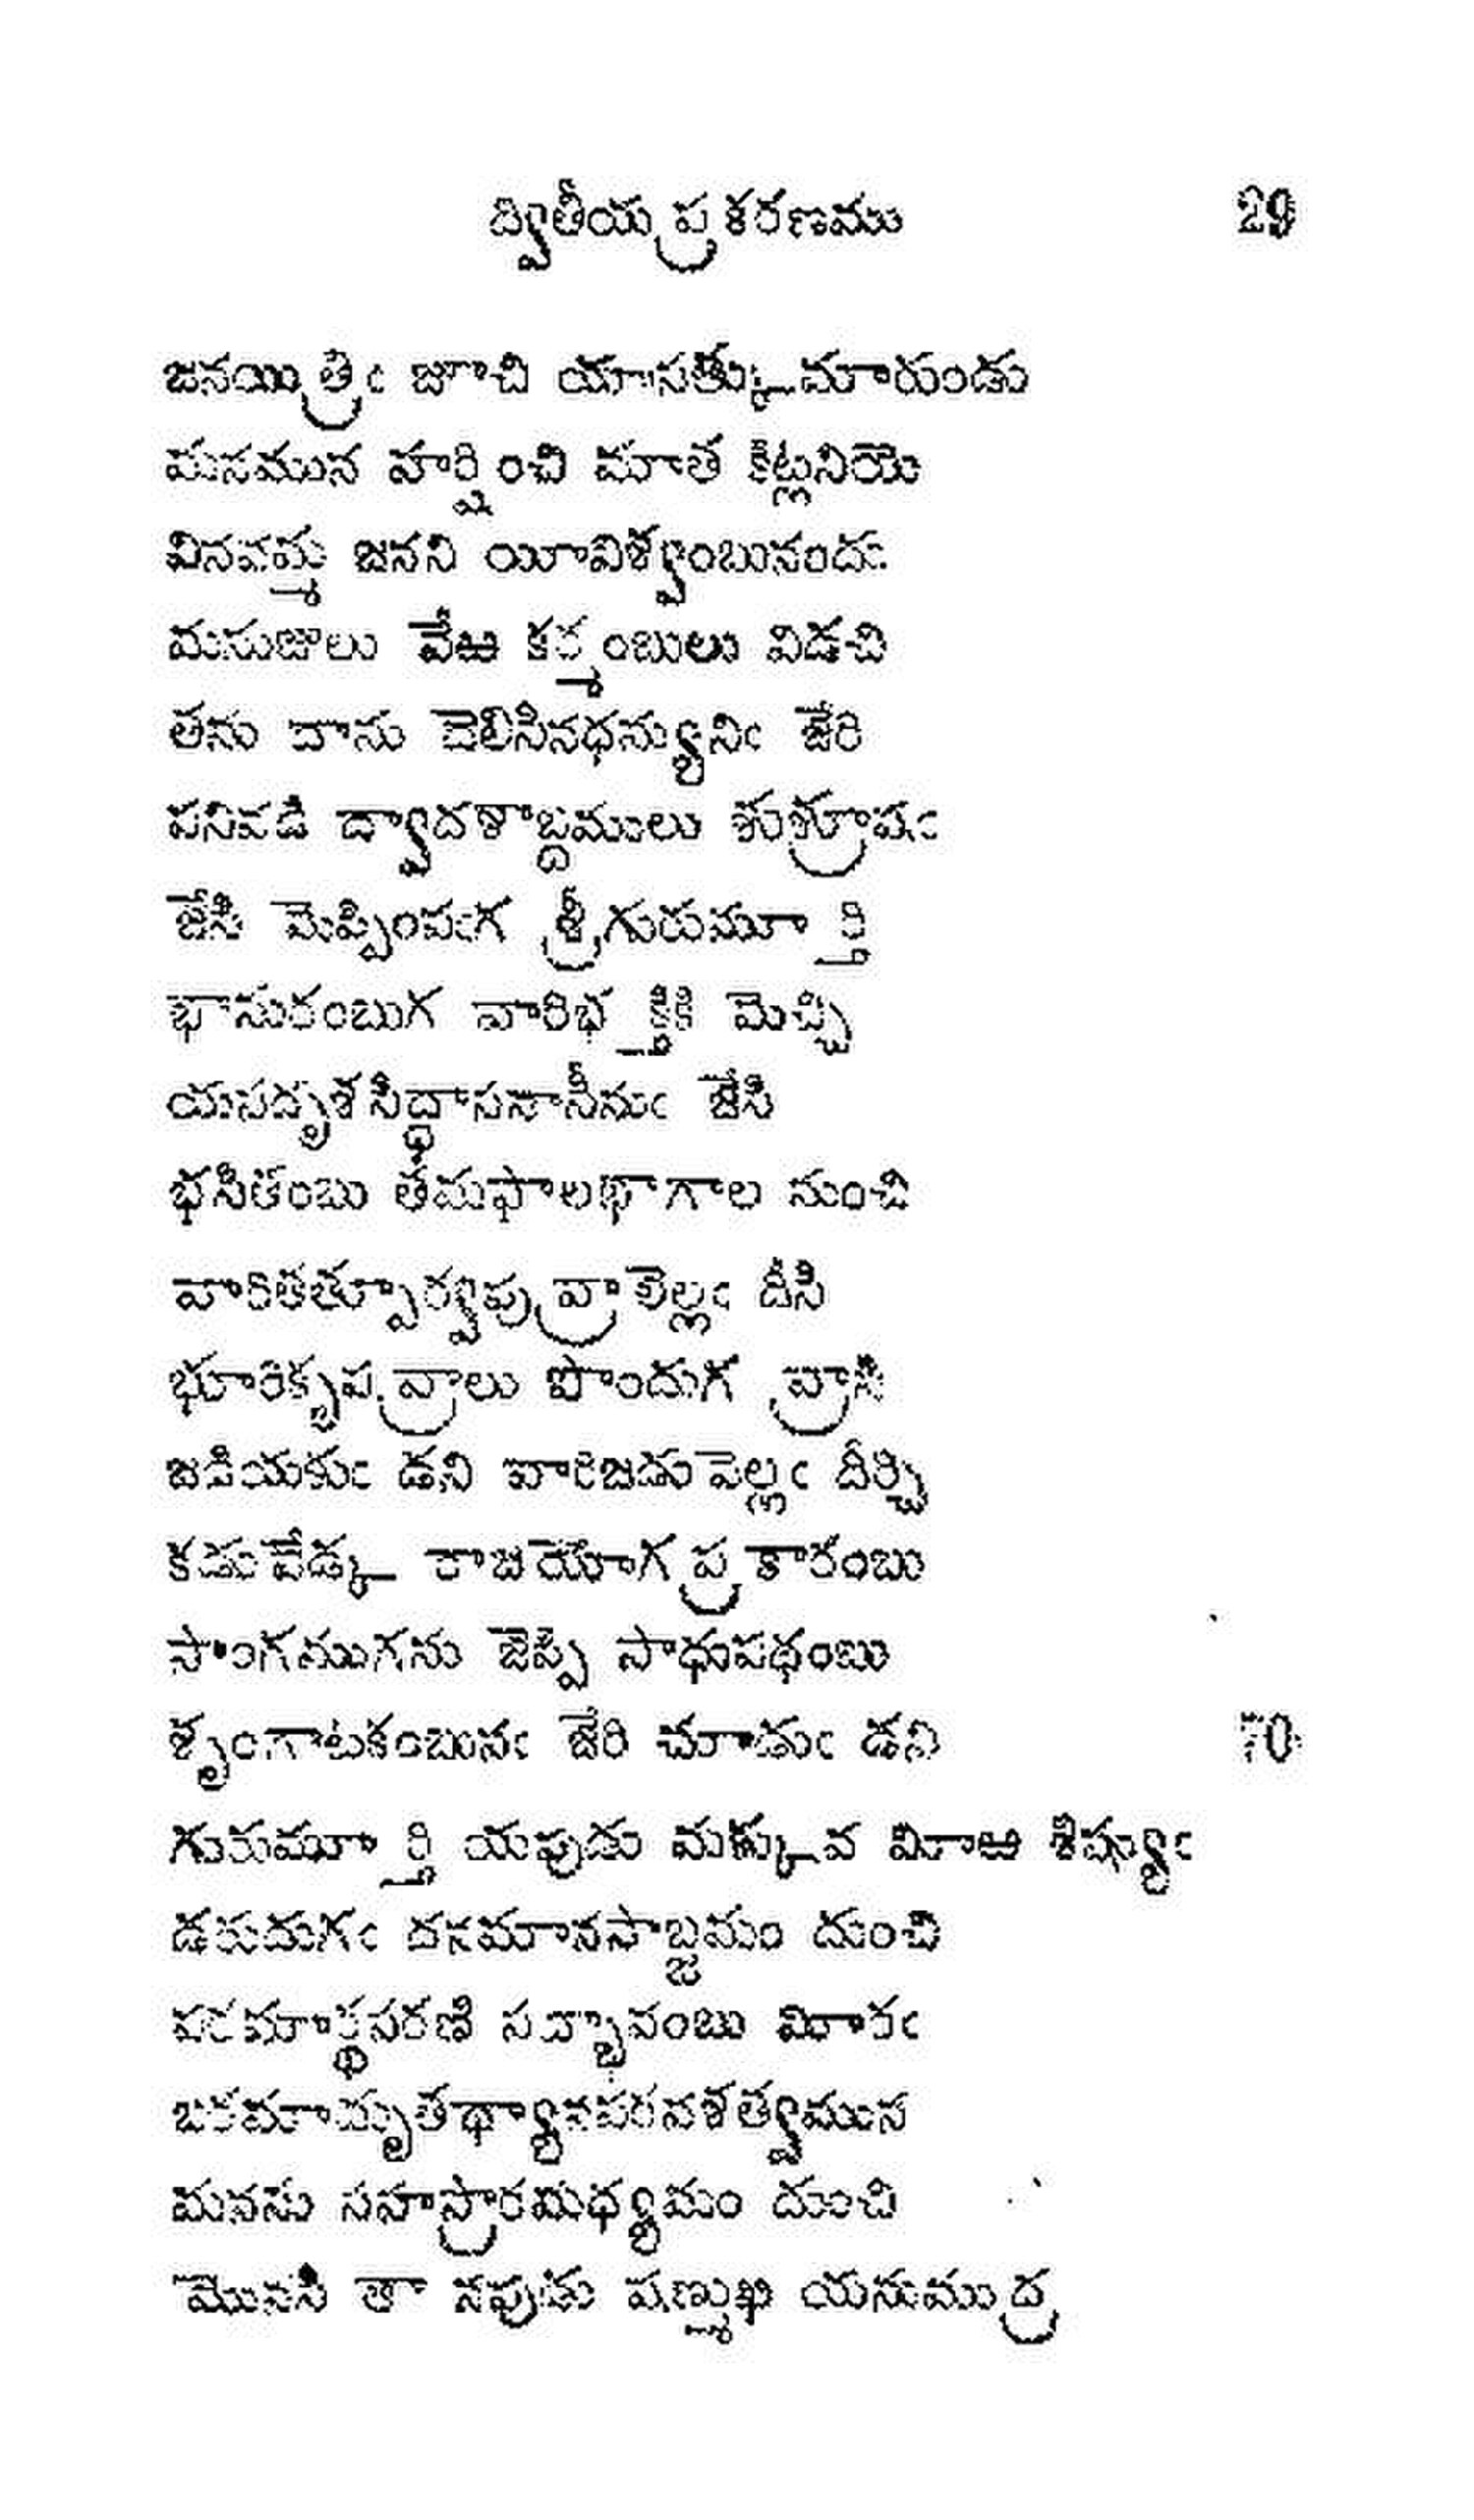జనయిత్రిఁ జూచి యాసత్కుమారుండు
మనమున హర్షించి మాత కిట్లనియె
వినవమ్మ జనని యీవిశ్వంబునందు
మనుజులు వేఱ కర్మంబులు విడచి
తను దాను దెలిసినధన్యునిఁ జేరి
పనివడి ద్వాదశాబ్దములు శుశ్రూషఁ
జేసి మెప్పింపఁగ శ్రీగురుమూర్తి
భాసురంబుగ వారిభక్తికి మెచ్చి
యసదృశసిద్ధాసనాసీనుఁ జేసి
భసితంబు తమఫాలభాగాల నుంచి
వారితత్పూర్వపువ్రాలెల్లఁ దీసి
భూరికృపవ్రాలు పొందుగ వ్రాసి 
జడియకుఁ డని వారిజడుపెల్లఁ దీర్చి
కడువేడ్క రాజయోగప్రకారంబు
సాంగముగను జెప్పి సాధుపథంబు
శృంగాటకంబునఁ జేరి చూడుఁడని
గురుమూర్తి యపుడు మక్కువ మీఱ శిష్యుఁ
డరుదుగఁ దసమానసాబ్జమం దుంచి
పరమార్థసరణి సద్భావంబు మీరఁ 
బరమాద్భుతధ్యానపరవశత్వమున
మనసు సహస్రారమధ్యమం దుంచి
మొనసి తా నపుడు షణ్ముఖి యనుముద్ర